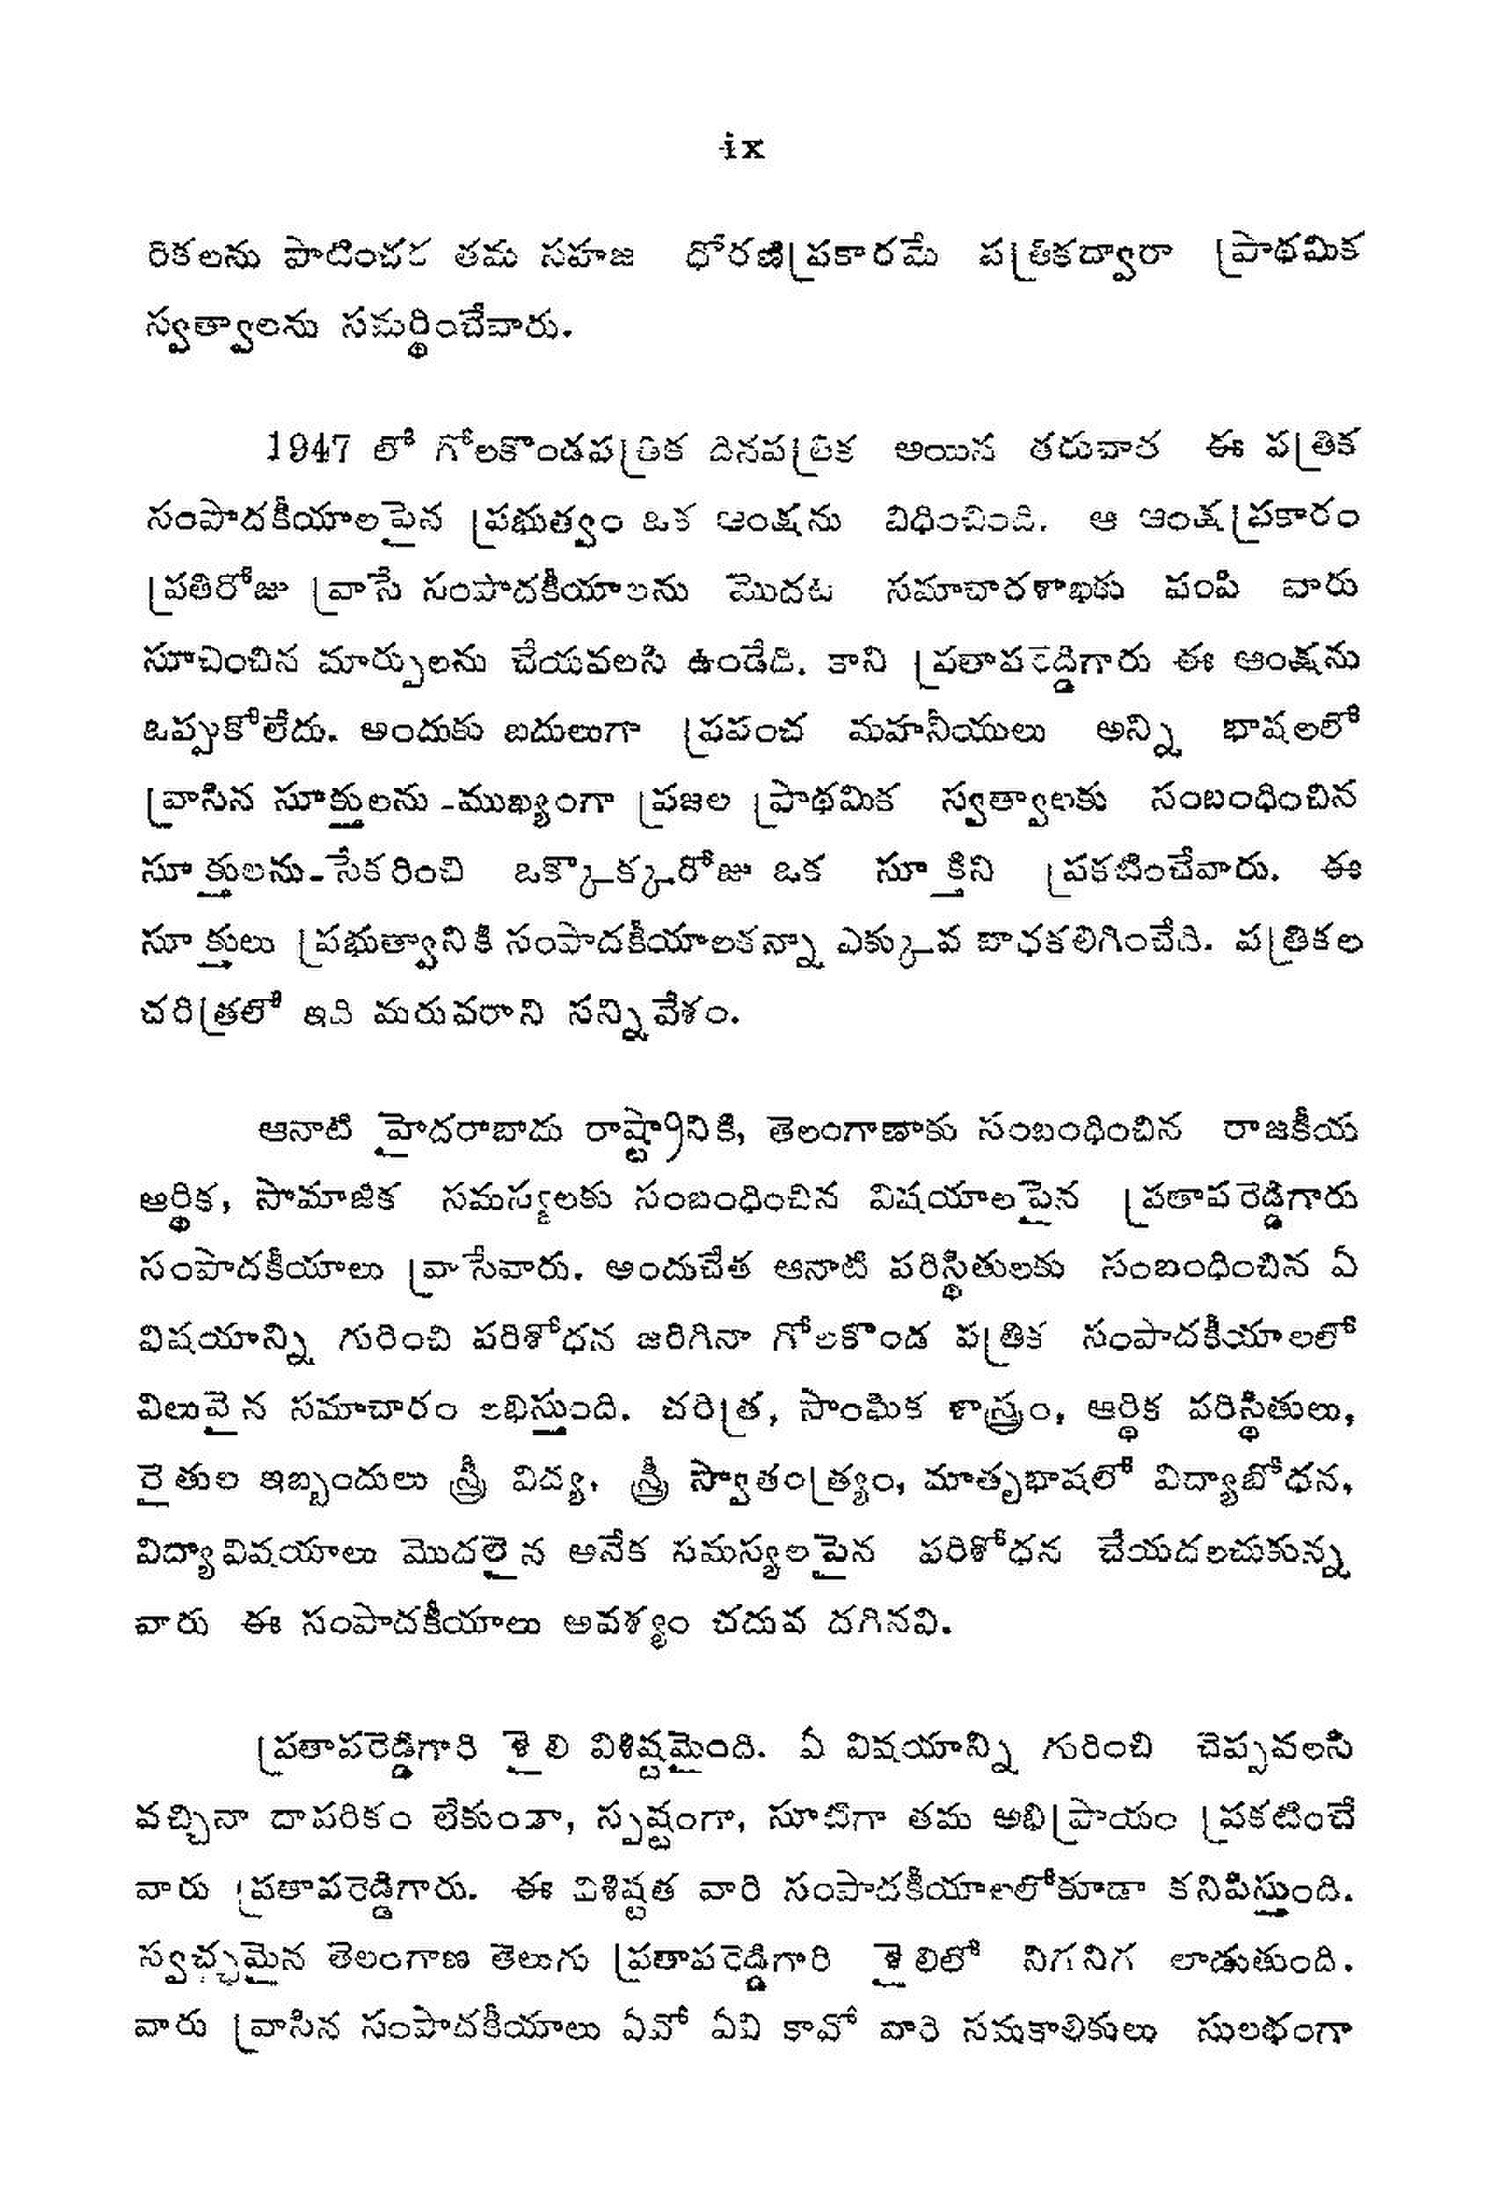రికలను పాటించక తమ సహజ ధోరణిప్రకారమే పత్రికద్వారా ప్రాథమిక స్వత్వాలను సమర్థించేవారు.

1947 లో గోలకొండపత్రిక దినపత్రిక అయిన తరువాత ఈ పత్రిక సంపాదకీయాలపైన ప్రభుత్వం ఒక ఆంక్షను విధించింది. ఆ ఆంక్ష ప్రకారం ప్రతిరోజు వ్రాసే సంపాదకీయాలను మొదట సమాచారశాఖకు పంపి వారు సూచించిన మార్పులను చేయవలసి ఉండేది. కాని ప్రతాపరెడ్డిగారు ఈ ఆంక్షను ఒప్పుకోలేదు. అందుకు బదులుగా ప్రపంచ మహనీయులు అన్ని భాషలలో వ్రాసిన సూక్తులను - ముఖ్యంగా ప్రజల ప్రాథమిక స్వత్వాలకు సంబంధించిన
సూక్తులను - సేకరించి ఒక్కొక్క రోజు ఒక సూక్తిని ప్రకటించేవారు. ఈ సూక్తులు ప్రభుత్వానికి సంపాదకీయాలకన్నా ఎక్కువ బాధకలిగించేది. పత్రికల చరిత్రలో ఇది మరువరాని సన్నివేశం.

ఆనాటి హైదరాబాదు రాష్ట్రానికి, తెలంగాణాకు సంబంధించిన రాజకీయ ఆర్థిక, సామాజిక సమస్యలకు సంబంధించిన విషయాలపైన ప్రతాపరెడ్డిగారు సంపాదకీయాలు వ్రాసేవారు. అందుచేత ఆనాటి పరిస్థితులకు సంబంధించిన ఏ విషయాన్ని గురించి పరిశోధన జరిగినా గోలకొండ పత్రిక సంపాదకీయాలలో విలువైన సమాచారం లభిస్తుంది. చరిత్ర, సాంఘిక శాస్త్రం, ఆర్థిక పరిస్థితులు, రైతుల ఇబ్బందులు స్త్రీ విద్య, స్త్రీ స్వాతంత్ర్యం, మాతృభాషలో విద్యాబోధన, విద్యావిషయాలు మొదలైన అనేక సమస్యలపైన పరిశోధన చేయదలచుకున్నవారు ఈ సంపాదకీయాలు అవశ్యం చదువ దగినవి.

ప్రతాపరెడ్డిగారి శైలి విశిష్టమైంది. ఏ విషయాన్ని గురించి చెప్పవలసి వచ్చినా దాపరికం లేకుండా, స్పష్టంగా, సూటిగా తమ అభిప్రాయం ప్రకటించేవారు ప్రతాపరెడ్డిగారు. ఈ విశిష్టత వారి సంపాదకీయాలలోకూడా కనిపిస్తుంది.
స్వచ్ఛమైన తెలంగాణ తెలుగు ప్రతాపరెడ్డిగారి శైలిలో నిగనిగ లాడుతుంది. వారు వ్రాసిన సంపాదకీయాలు ఏవో ఏవి కావో వారి సమకాలికులు సులభంగా